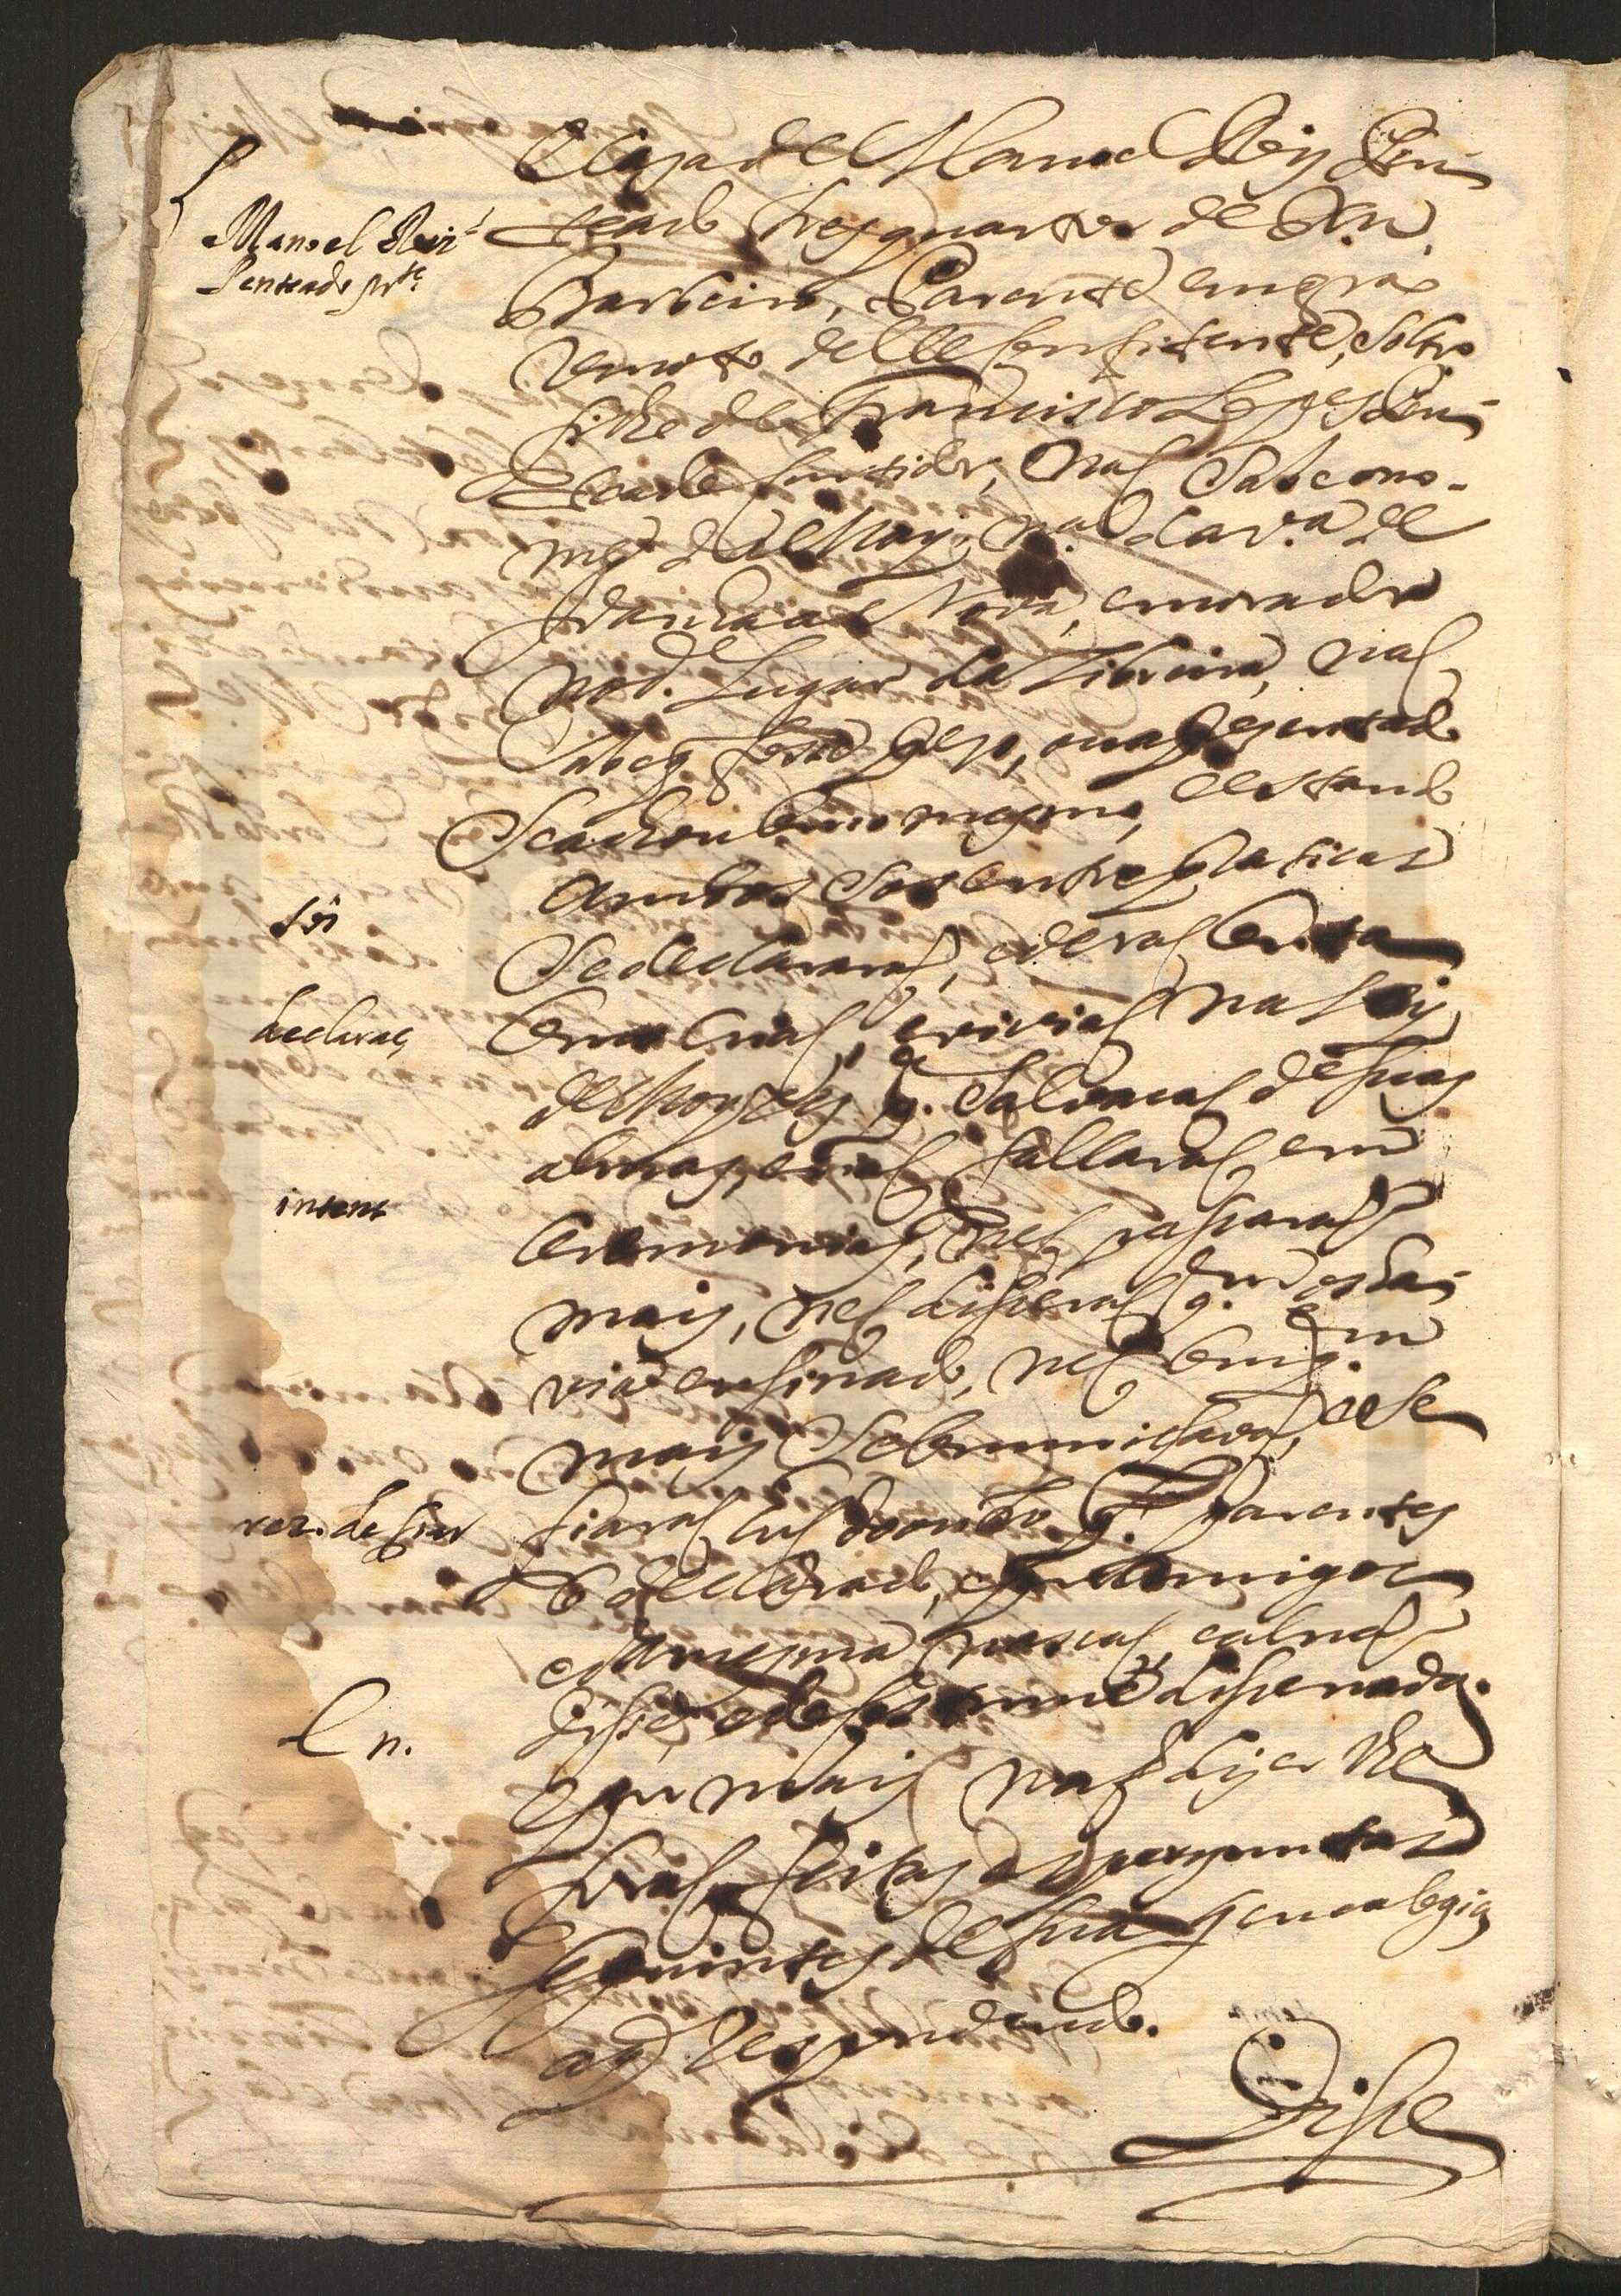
E casa de Manoel Rois Pen
teado tres quartos de x. n.
Manoel Roiz̄
Penteado pr.te
Barbeiro, Parente em grao
Remoto delle Confitente, soltro
filho de Francisco Lopes Pen
teado Curtidor, naꝭ Sabe o no
me da May, n.al da v.a de
Jdanha a Nova, e morador
no d.o Lugar da Zibreira, naõ
sabe q̄ fosse pRezo, ou apResentado
Se achou Com o mesmo, e estando
ambos sos entre pRaticas
sós
Se declararaꝭ, e deraꝭ Conta
Como Criaꝭ e viviaꝭ na Ley
declaraç
de Moyzes p.a Salvaçaꝭ de suas
almas, e naꝭ fallaraꝭ em
intent
ceremonias, neꝭ passaraõ
mais, neꝭ disseraꝭ q.m os ha
via ensinado, neꝭ Com q.m
mais se Comunicavaꝭ, e Se
fiaraꝭ huꝭ do outro p.lo parentes
rez. de fiar
e declarado, e por amigos
e da mesma nasçaꝭ, e al naꝭ
disse, e do Costume disse nada.
C n.
E por mais naõ dizer lhe
foraꝭ feitas as perguntaz
seguintes de sua Genealogia
a q̄ Respondendo.
Disse
